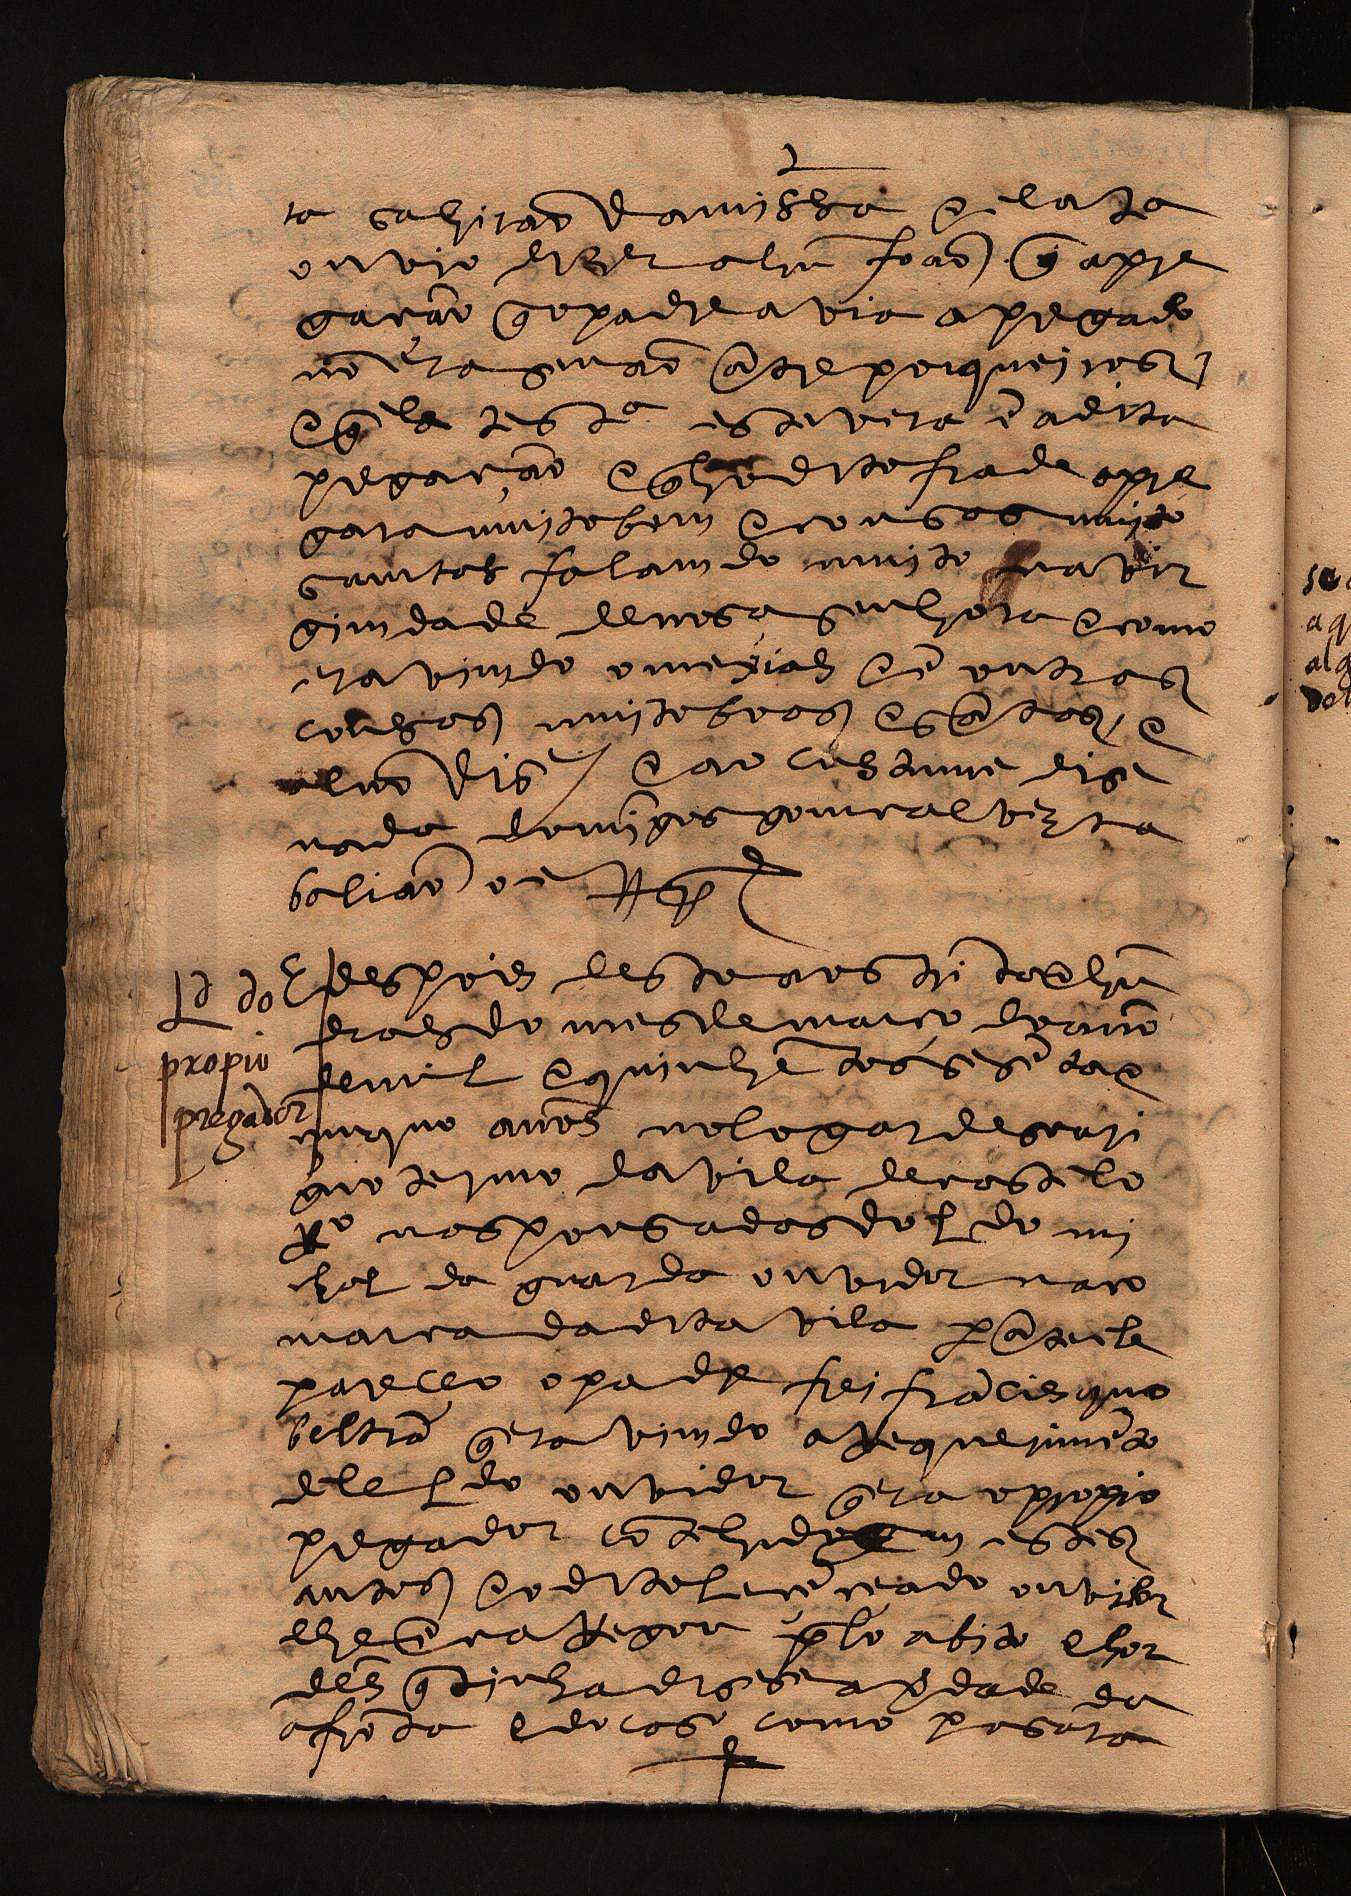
ta sahirão da mjssa e ela ta
ouvio dizer a hū Joaõ q̄ a pre
gação q̄ o padre avia apregado
nō era senão ātre porquejros
e q̄ ela testa estevera ē a dita
pregação e q̄ ho dito frade a pre
gara mujto bem e cousas mujto
samtas falamdo mujto na vir
gimdade de nosa senhora e como
era vimdo o mexias e ē outras
cousas mujto boas e sātas / e
al nō dise / e ao custume dise
nada domj̄gos gomcalvez ta
baliaõ / o estp̄j
Ld. do
propio
pregador
E despois desto aos trīta e hū
dias do mes de março do anō
de miL e quinhētos sesēta e
çimquo anōs no logar de scari
guo termo da vila de castelo
Ro nas pousadas do Ldo mj
chel da guarda ouvidor na co
marca da dita vila ꝑāte ele
pareçeo o padre frei frācisquo
beltrā q̄ era vimdo a Requerimēto
dele Ldo ouvidor q̄ era o propio
pregador cōtehudo em estes
autos e o dito Leçēçeado ouvidor
lhe ēcaRegou p̄lo abito e hor
deēs q̄ tinha disese a ꝟdade da
afrōta e do caso como pasara
